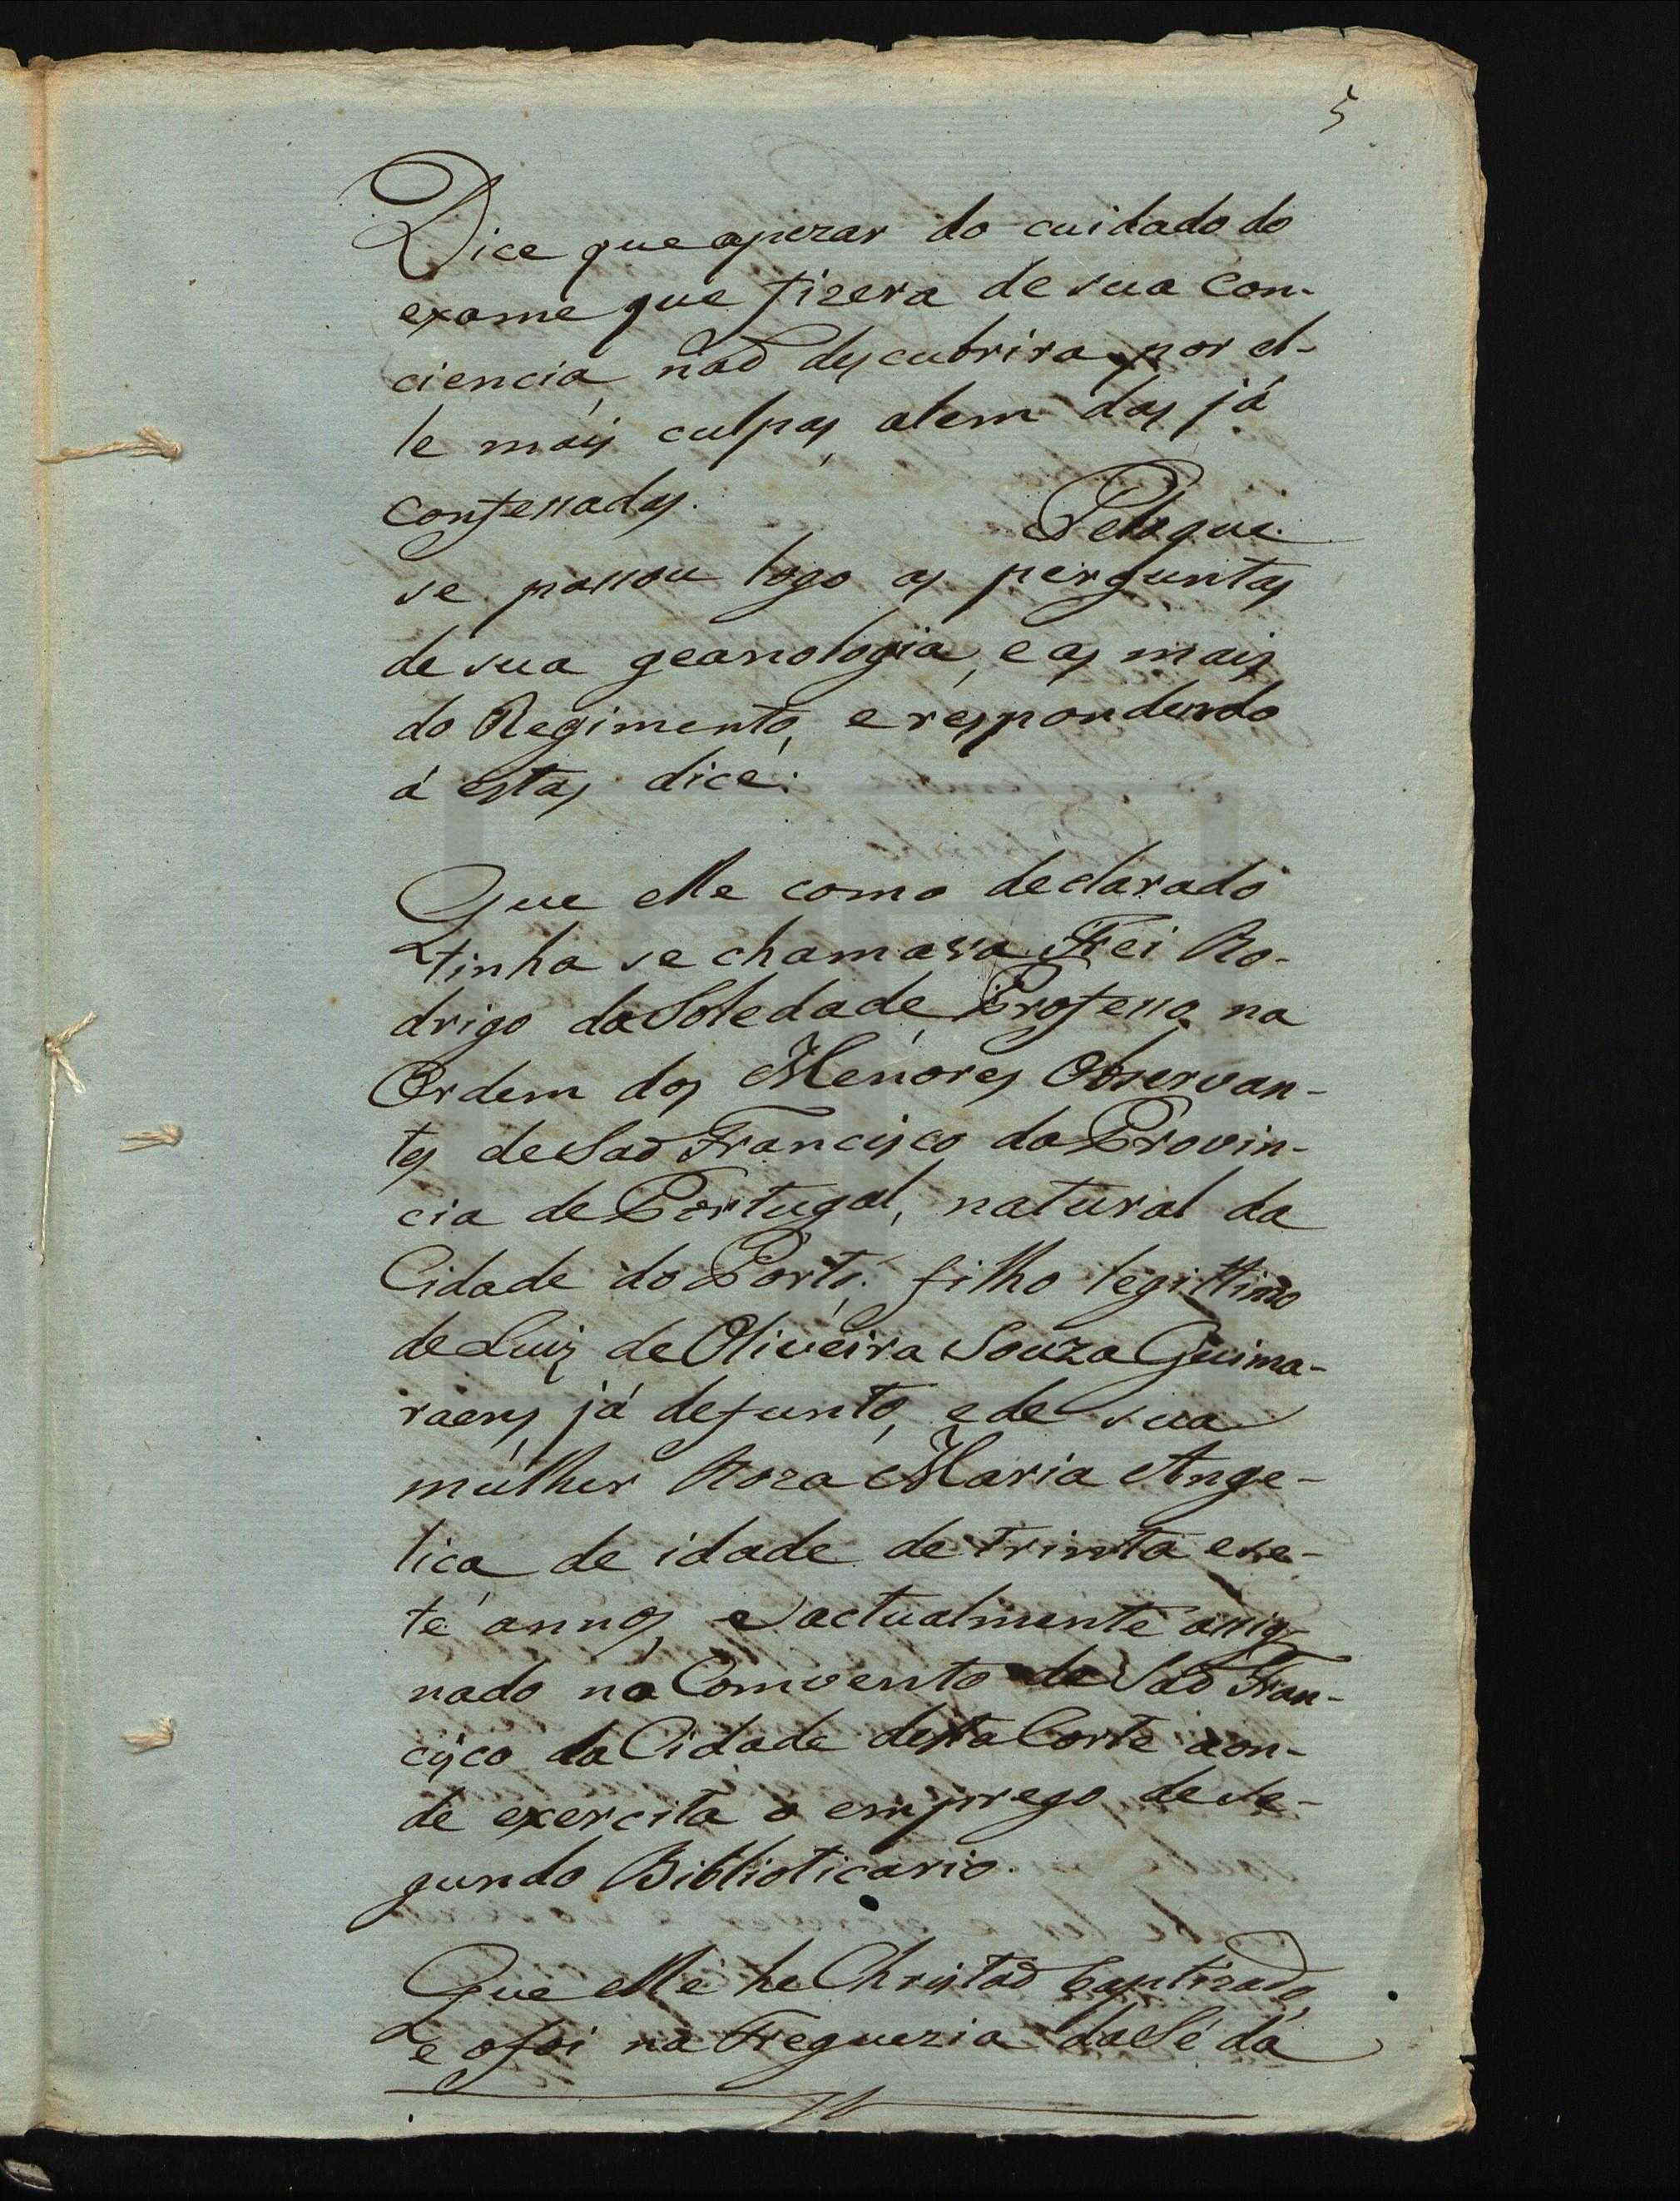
Dice que apezar do cuidado do
exame que fizera de sua con
ciencia naõ descubrira por el
le mais culpas, alem das já
confessadas.
Pelo que
se passou logo as perguntas
de sua geanologia, e as mais
do Regimento, e respondendo
á estas dice:
Que elle como declarado
tinha se chamava Frei Ro
drigo da Soledade, Professo na
Ordem dos Menores Observan
tes de Saõ Francisco da Provin
cia de Portugal, natural da
Cidade do Porto; filho legittimo
de Luiz de Oliveira Souza Guima
raens, já defunto, e de sua
mulher Roza Maria Ange
lica, de idade de trinta e se
te annos e actualmente assig
nado no Comvento de Saõ Fran
cisco da Cidade desta Corte aon
de exercita o emprego de se
gundo Biblioticario.
Que elle he Christaõ baptizado,
e o foi na Freguezia da Sé da
